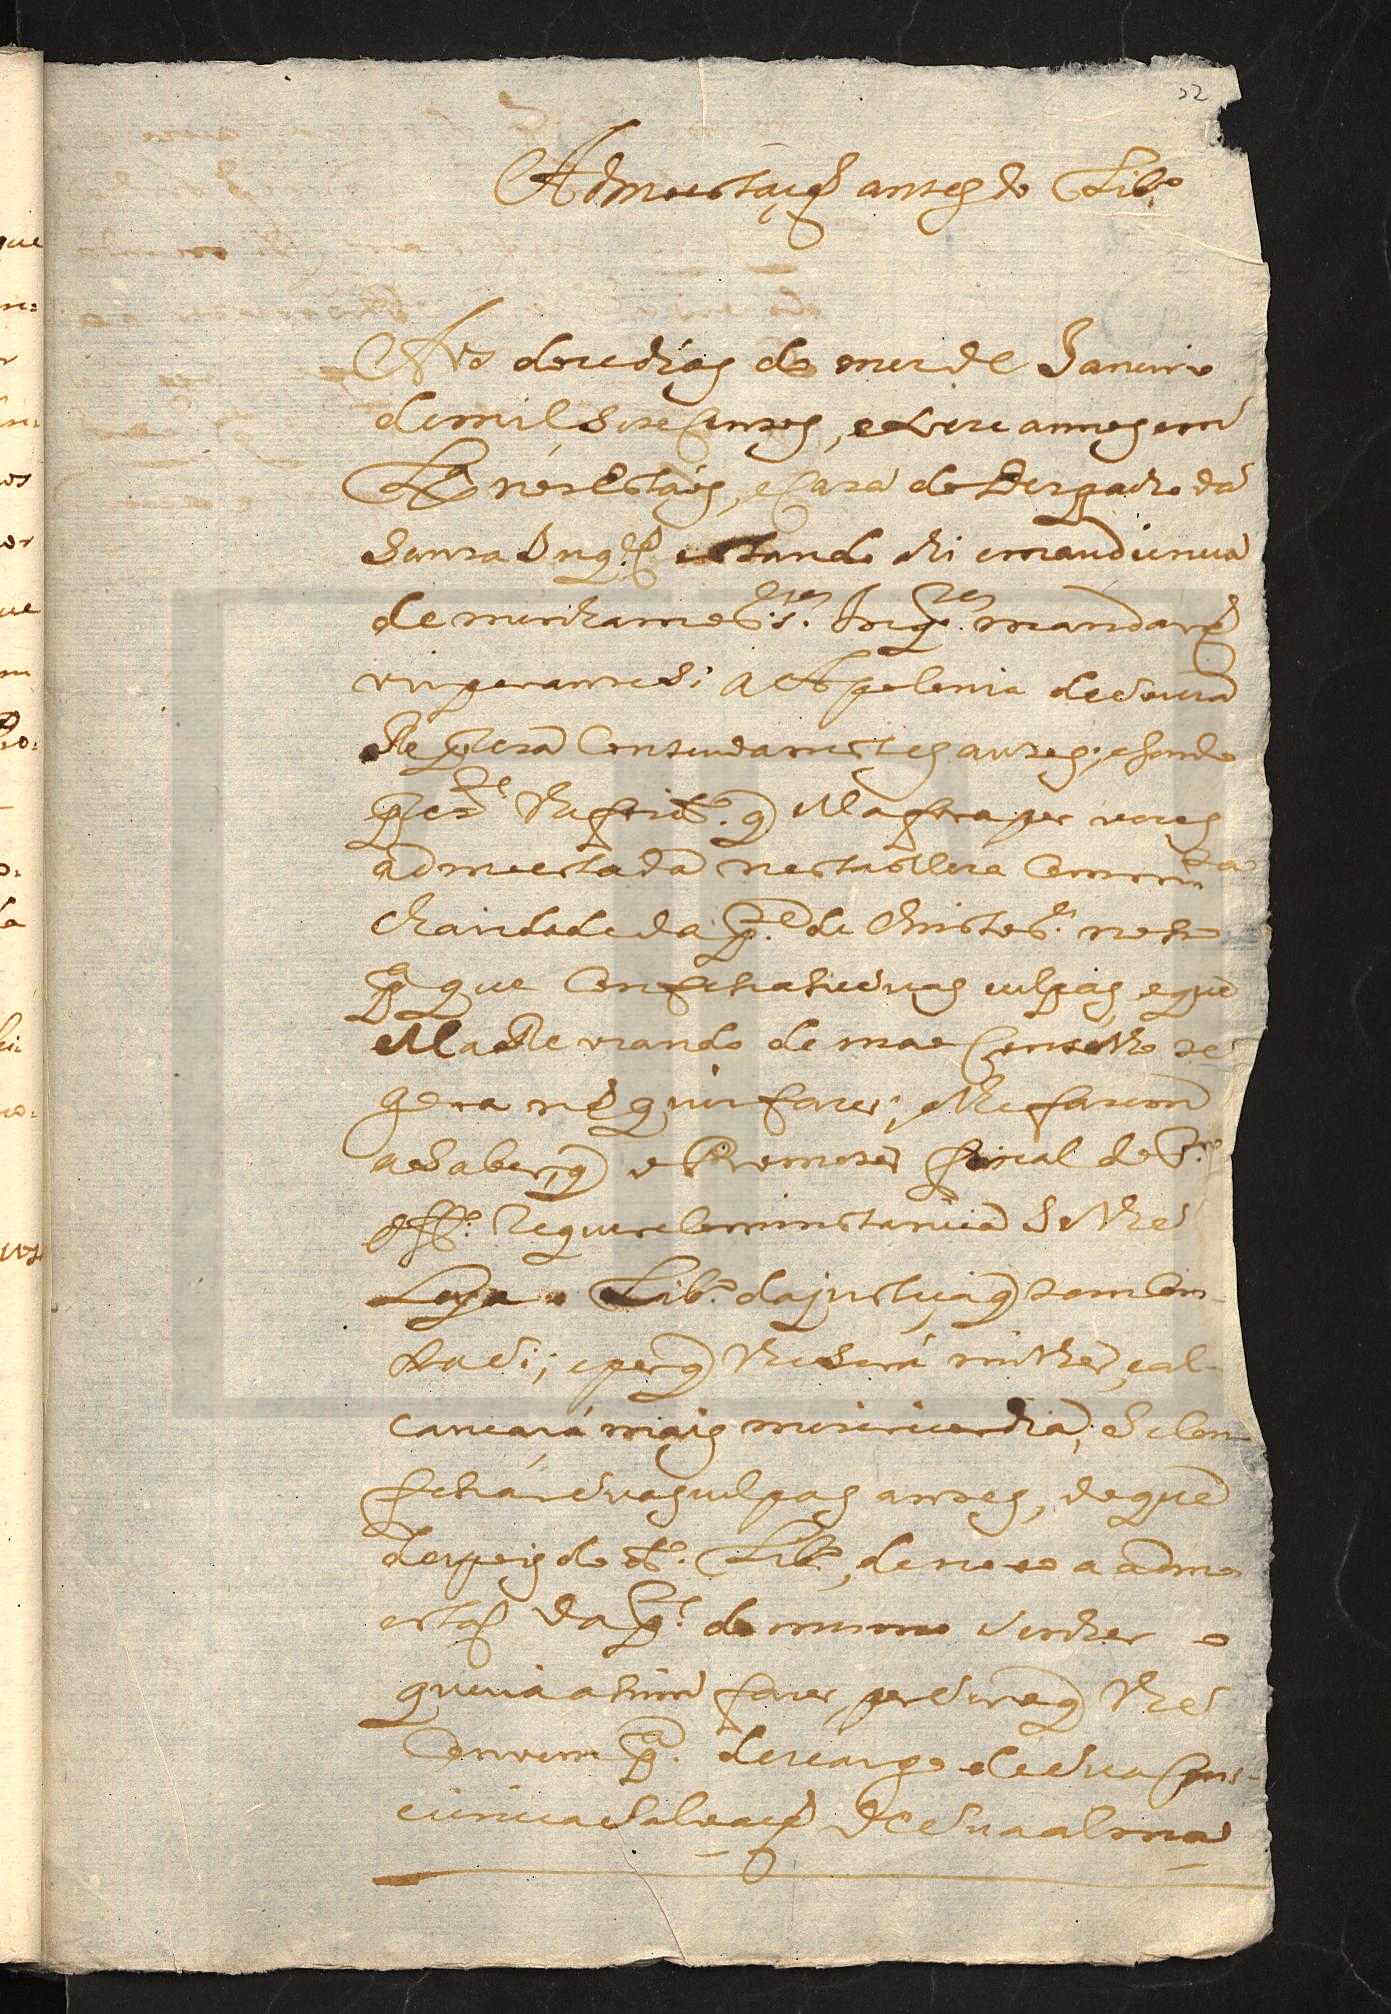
Admoestaçaõ antes do Lib.o
Aos doze dias do mez de Ianeiro
de mil, seteCentos, e treze annos em
Lxa nos Estaos, e Caza do Despacho da
Santa Inq.çaõ estando ahi em audiencia
de menham os. s.ores Inq.res mandaraõ
vir perante si a Apelonia de Souza
Re preza conteuda nestes autos; e sendo
prezte lhe foi d̄o. q̄ ella fora per vezes
admoestada nesta Meza com mta
charidade da p.te de christo s.or nosso
pa que confessasse suas culpas, e que
ella Re vzando de mao Conselho te
gora naõ quis fazer; e lhe fazem
a Saber, q̄ o Promotor fiscal do s.to
Off.o Requere com instancia se lhe
Leya o Lib.o da justiça q̄ tem con
tra si; e porq̄ lhe será melhor, e al
cançará mais misericordia, Se con
fessar suas culpas antes, do que
despois do d̄.o Lib.o, de novo a admo
estaꝭ da p.te do mesmo senhor o
queria assim fazer, por ser a q̄ lhe
Convem p.a descargo de Sua Cons
ciencia Salvaçaõ de Sua alma
